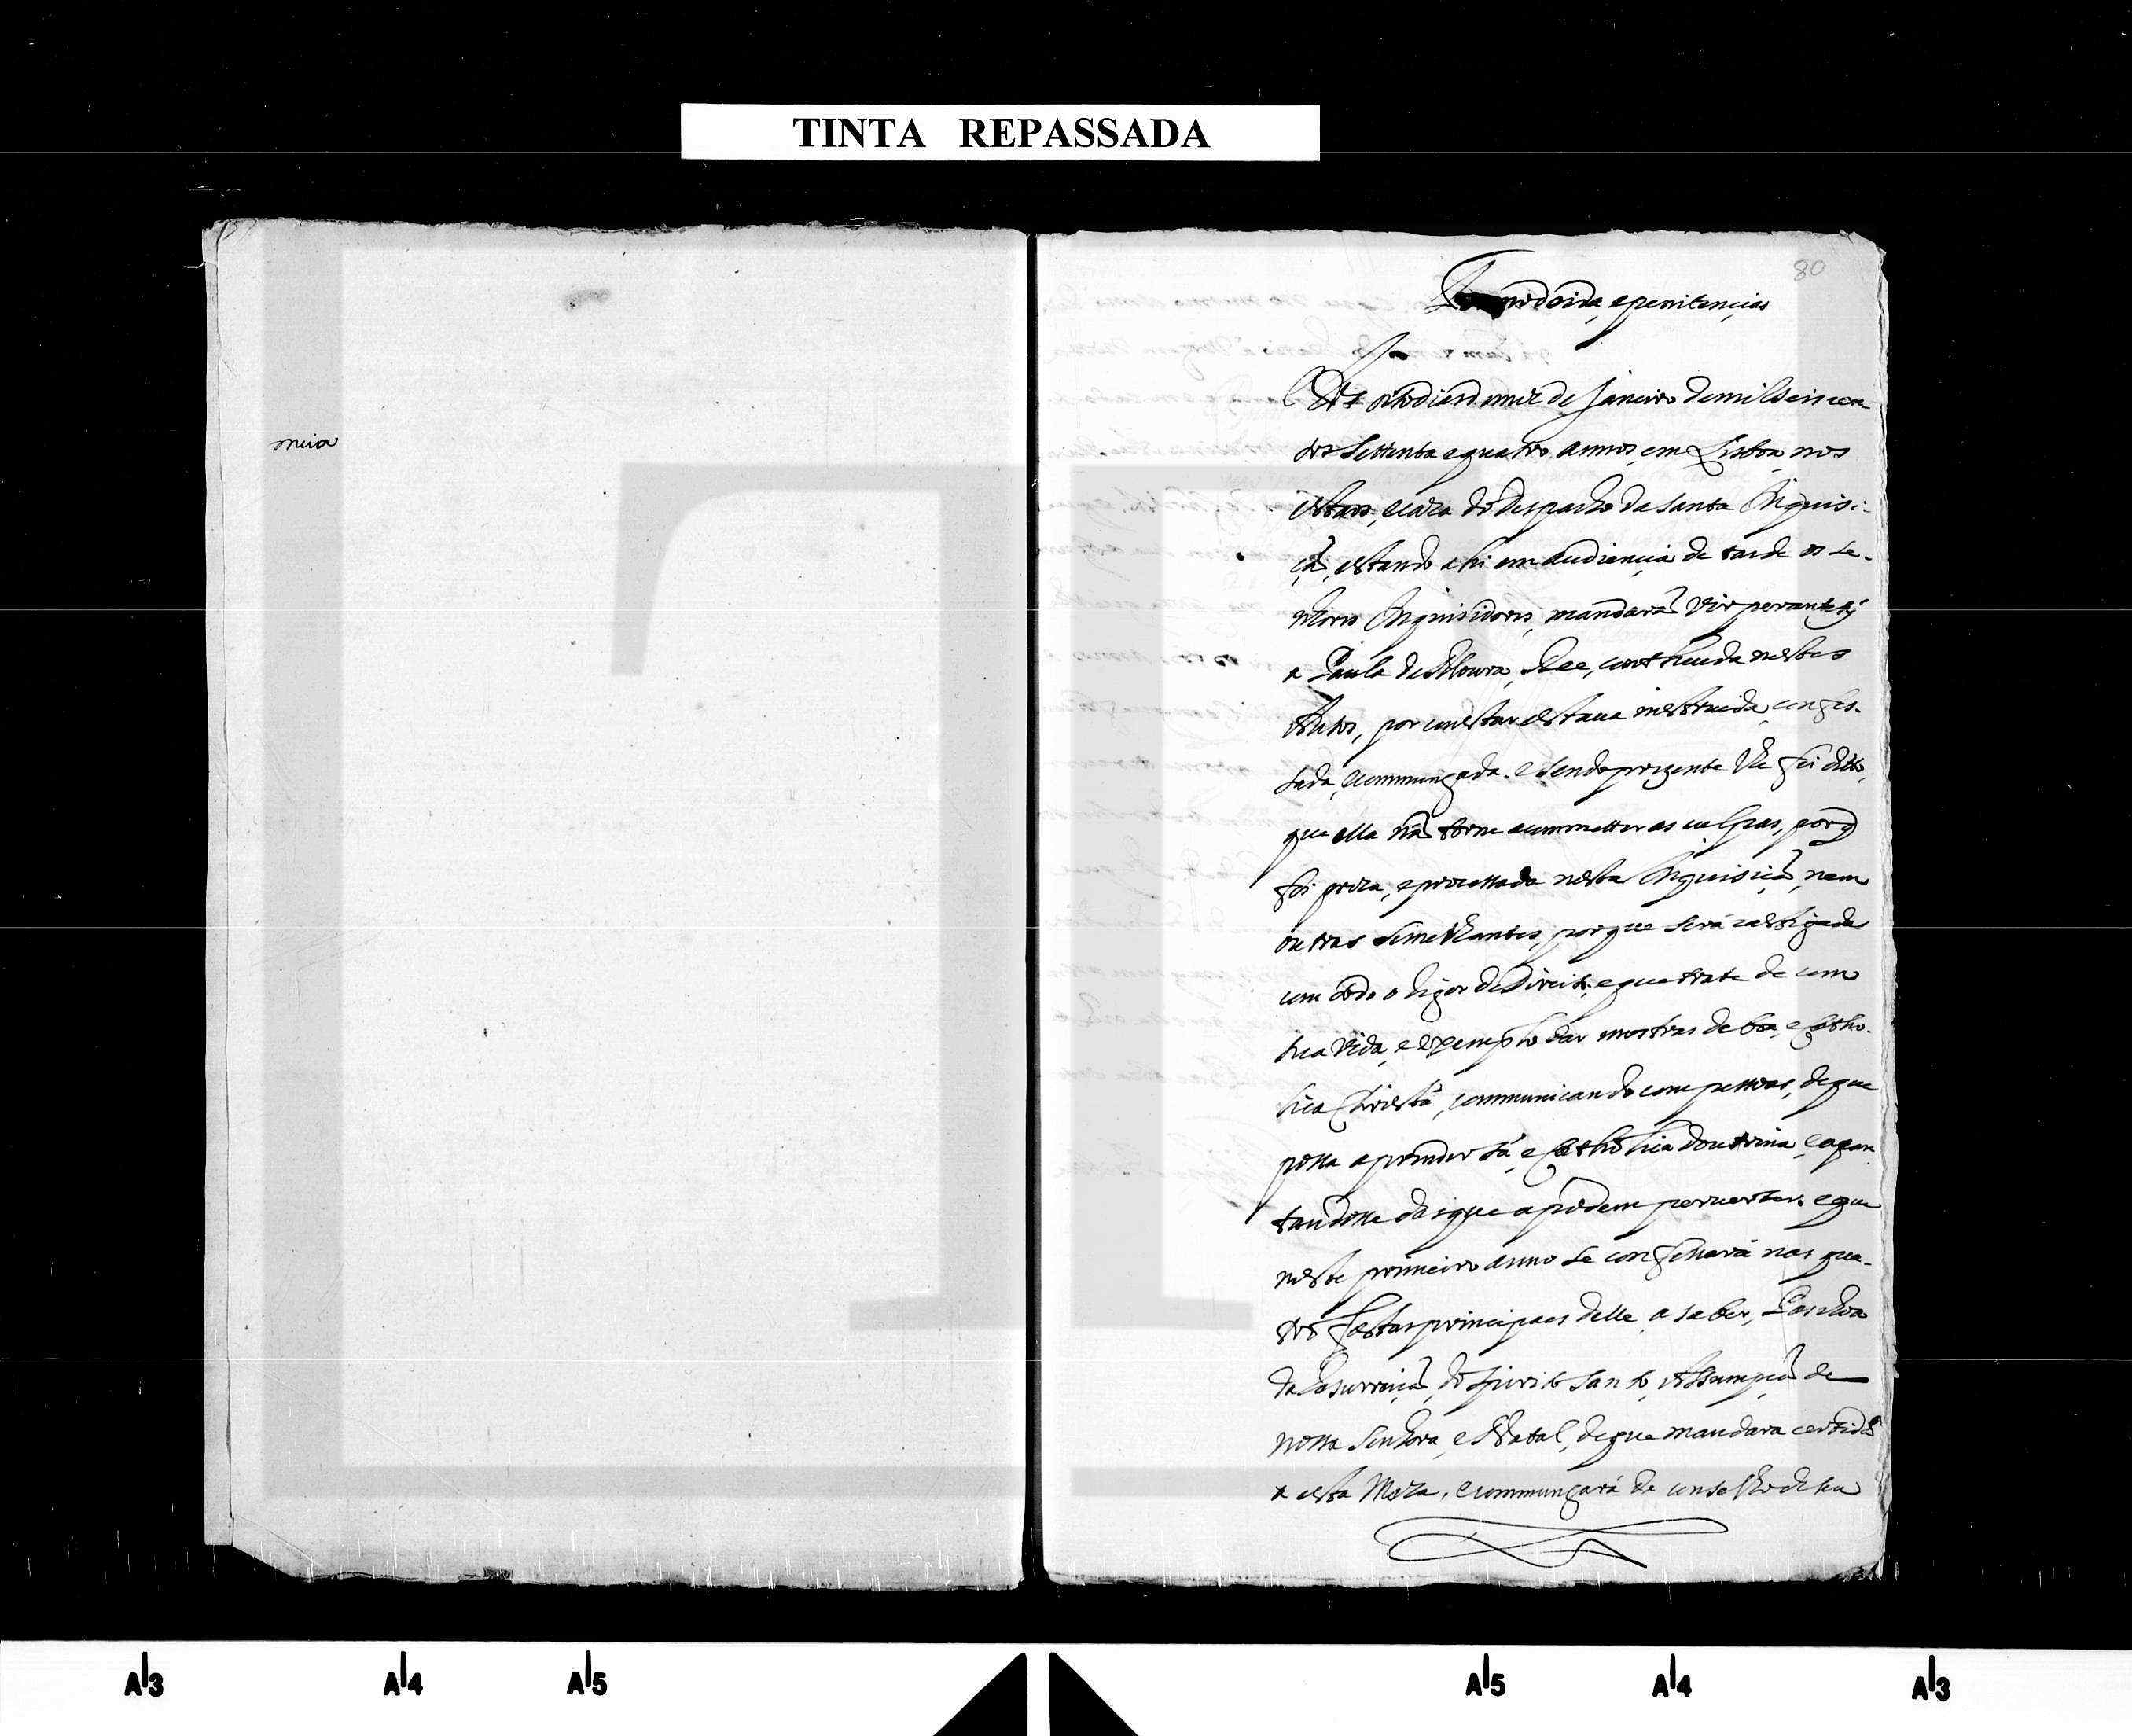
T_mo de ida, e penitencias
Aos oito dias do mez de Janeiro de mil seiscen
tos Settenta e quatro annos em Lisboa nos
estaos, e caza do Despacho da Santa Inquisi
çaõ, estando ahi em audiencia de tarde os se
nhores Inquisidores, mandaraõ vir perante sy
a Paula de Moura, Ree, contheuda nestes
Autos, por constar estaua instruida, confes
sada, e commungada. e sendo prezente lhe foi ditto
que ella naõ torne a commetter as culpas, porq̄
foi preza, e processada nesta Inquisiçaõ, nem
outras semelhantes, porque sera castigada
com todo o Rigor de Direito, e que trate de com
sua vida, e exemplo dar mostras de boa, e Catho
lica Christā, communicando com pessoas, de que
possa aprender sā, e Catholica doutrina e apar
tandosse das que a podem peruerter e que
neste primeiro anno se confessava nas qua
tro festas principaes delle a saber, Paschoa
da Resurreiçaõ, do Spirito Santo, Assumpçaõ de
nossa Senhora, e Natal, de que mandara certidaõ
a esta Meza, e commungará de conselho de seu
